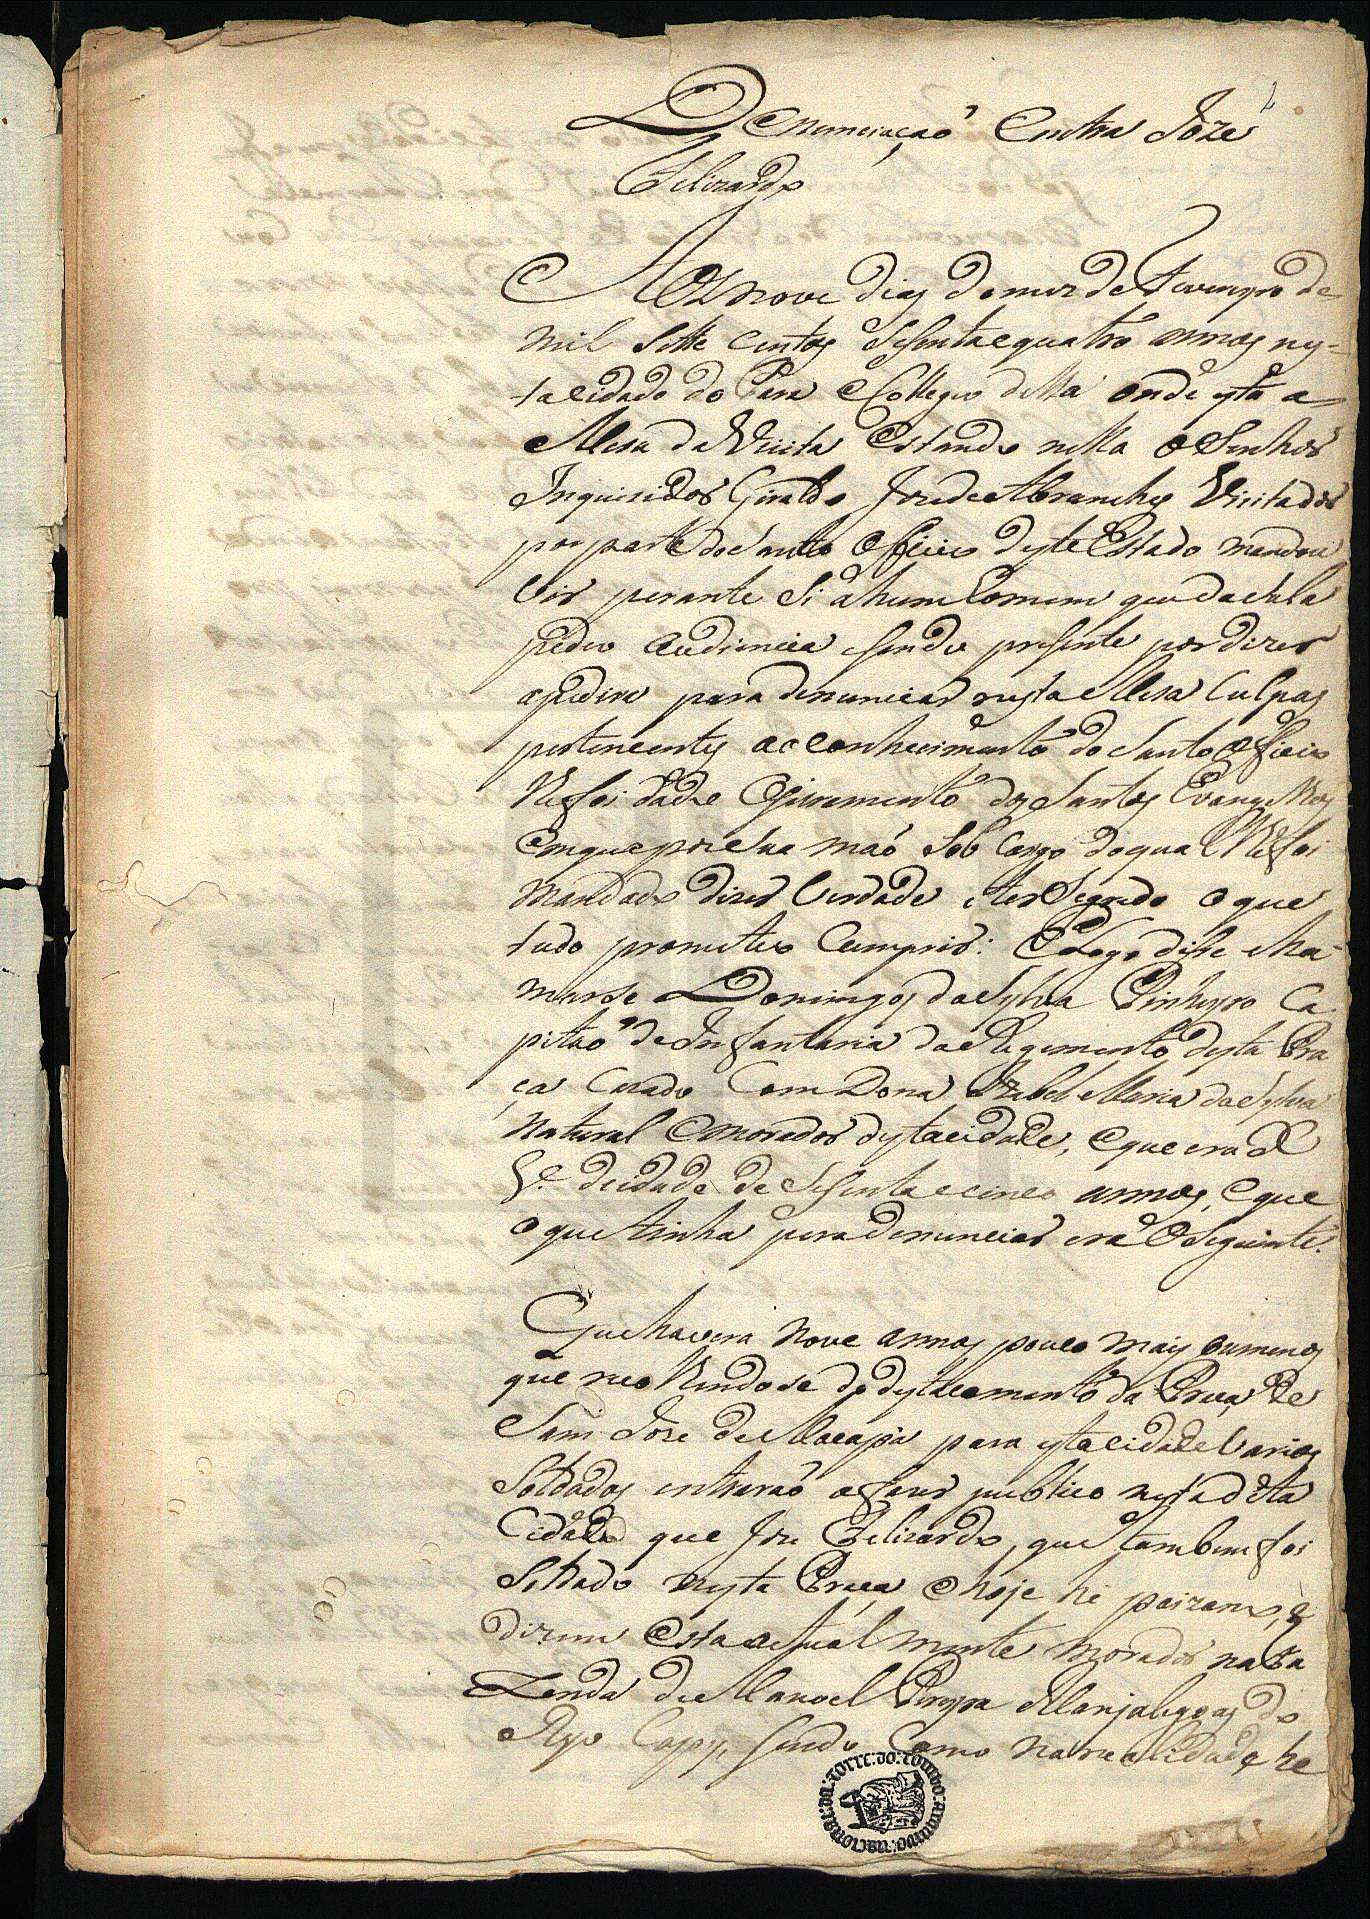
Denunciaçaõ Contra Joze
Felizardo
Aoz nove dias do mez de Fevereyro de
mil setteCentos sesenta e quatro annos nes
ta cidade do Para e Collegio della onde esta a
Mesa da Visita Estando nella o Senhor
Inquizidor Giraldo Joze de Abranches Visitador
por parte do Santo Officio deste Estado mandou
vir perante Si a hum homem que da Sala
pedio audiencia, sendo presente por dizer
a pedira para denunciar nesta Mesa Culpas
pertencentes ao conhecimento do Santo Officio
lhe foi dado O juramento dos Santos Evangelhos
Em que pos sua maõ Sob Cargo do qual lhe foi
mandado dizer Verdade e ter Segredo o que
tudo prometeo Cumprir: E Logo disse cha
marse Domingos da Sylva Pinheyro Ca
pitaõ de Infantaria da Regemento desta Pra
ça Cazado Com Dona Izabel Maria da Sylva
natural e morador desta cidade, e que era X
V. de idade de Sesenta e cinco annos, e que
o que tinha pera denunciar era O Seguinte
Que havera nove annos pouco mais ou menos
que recolhendo se do destacamento da Praça de
Sam Joze de Macapá para esta cidade varios
Soldados entraraõ a fazer publico nesta dita
Cidade que Joze Felizardo, que tambem foi
Soldado nesta Praça e hoje hé paizam, e
dizem esta actualmente morador na Fa
Zenda de Manoel Pereyra Manjalegoas do
Ryo Capy, sendo Como na realidade he
